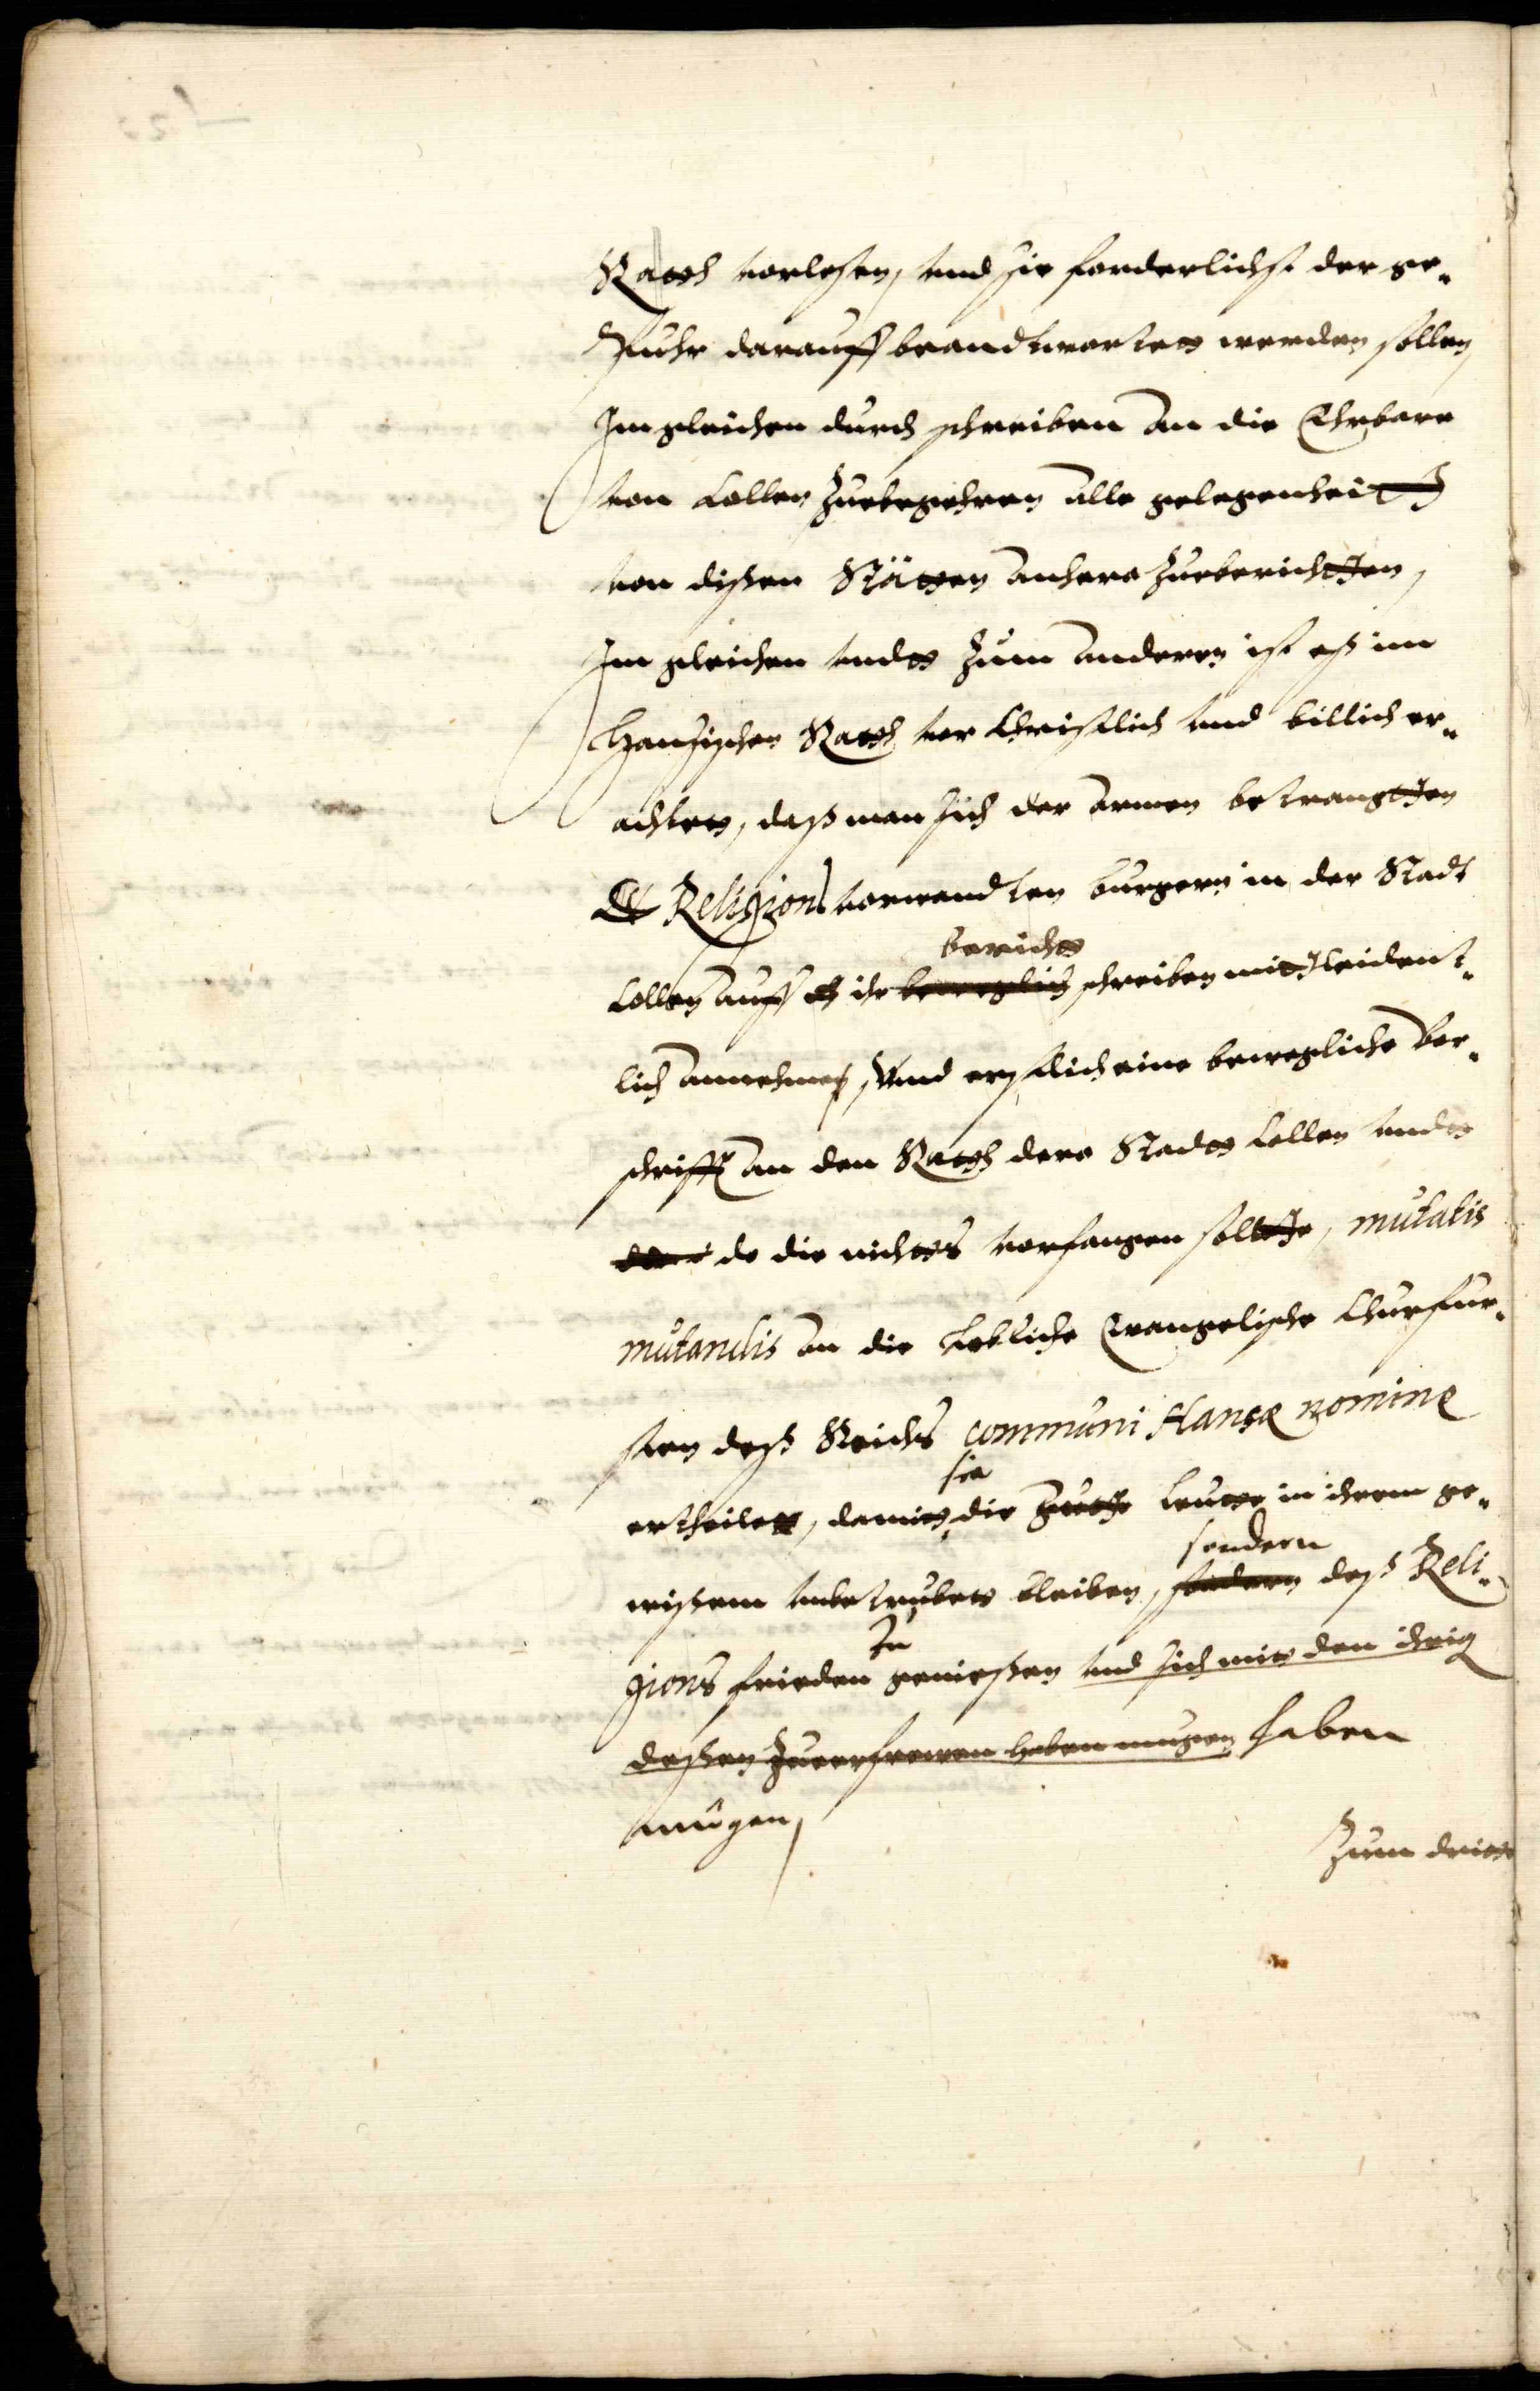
Ratth vorlesen, vnd sie forderlichst der ge¬
puhr darauff beandtwortett werden sollen,
Imgleichen durch schreiben An die Ehrbarn
von Collen zuebegehren Alle gelegenheitt
von dißen Stätten Anhero zueberichtten,
Imgleichen vndtt zum Anderen ist eß im
Hansischen Ratth vor Christlich vnd billich er¬
achtett, daß man sich der Armen betrangtten
Cl Religionsvorwandten burgern in der Stadt
Collen Auff ih ihr beweglich berichtt schreiben mittleident¬
lich Annehmen, Vnd erstlich eine bewegliche Vor¬
schrifft An den Ratth dero Stadtt Collen vndtt
aber do die nichtts vorfangen soltte, mutatis
mutandis An die Lobliche Evangelische Churfur¬
sten deß Reichs communi Hansae nomine
ertheilett, damit sie die Zutte Leutte in ihrem ge¬
wißem vnbetrubett bleiben, sodern sondern deß Reli¬
gions frieden Zu genießen vndt sich mitt den ihrigen
deßen zueerfrewen haben mugen haben
mugen,
Zum dritte
